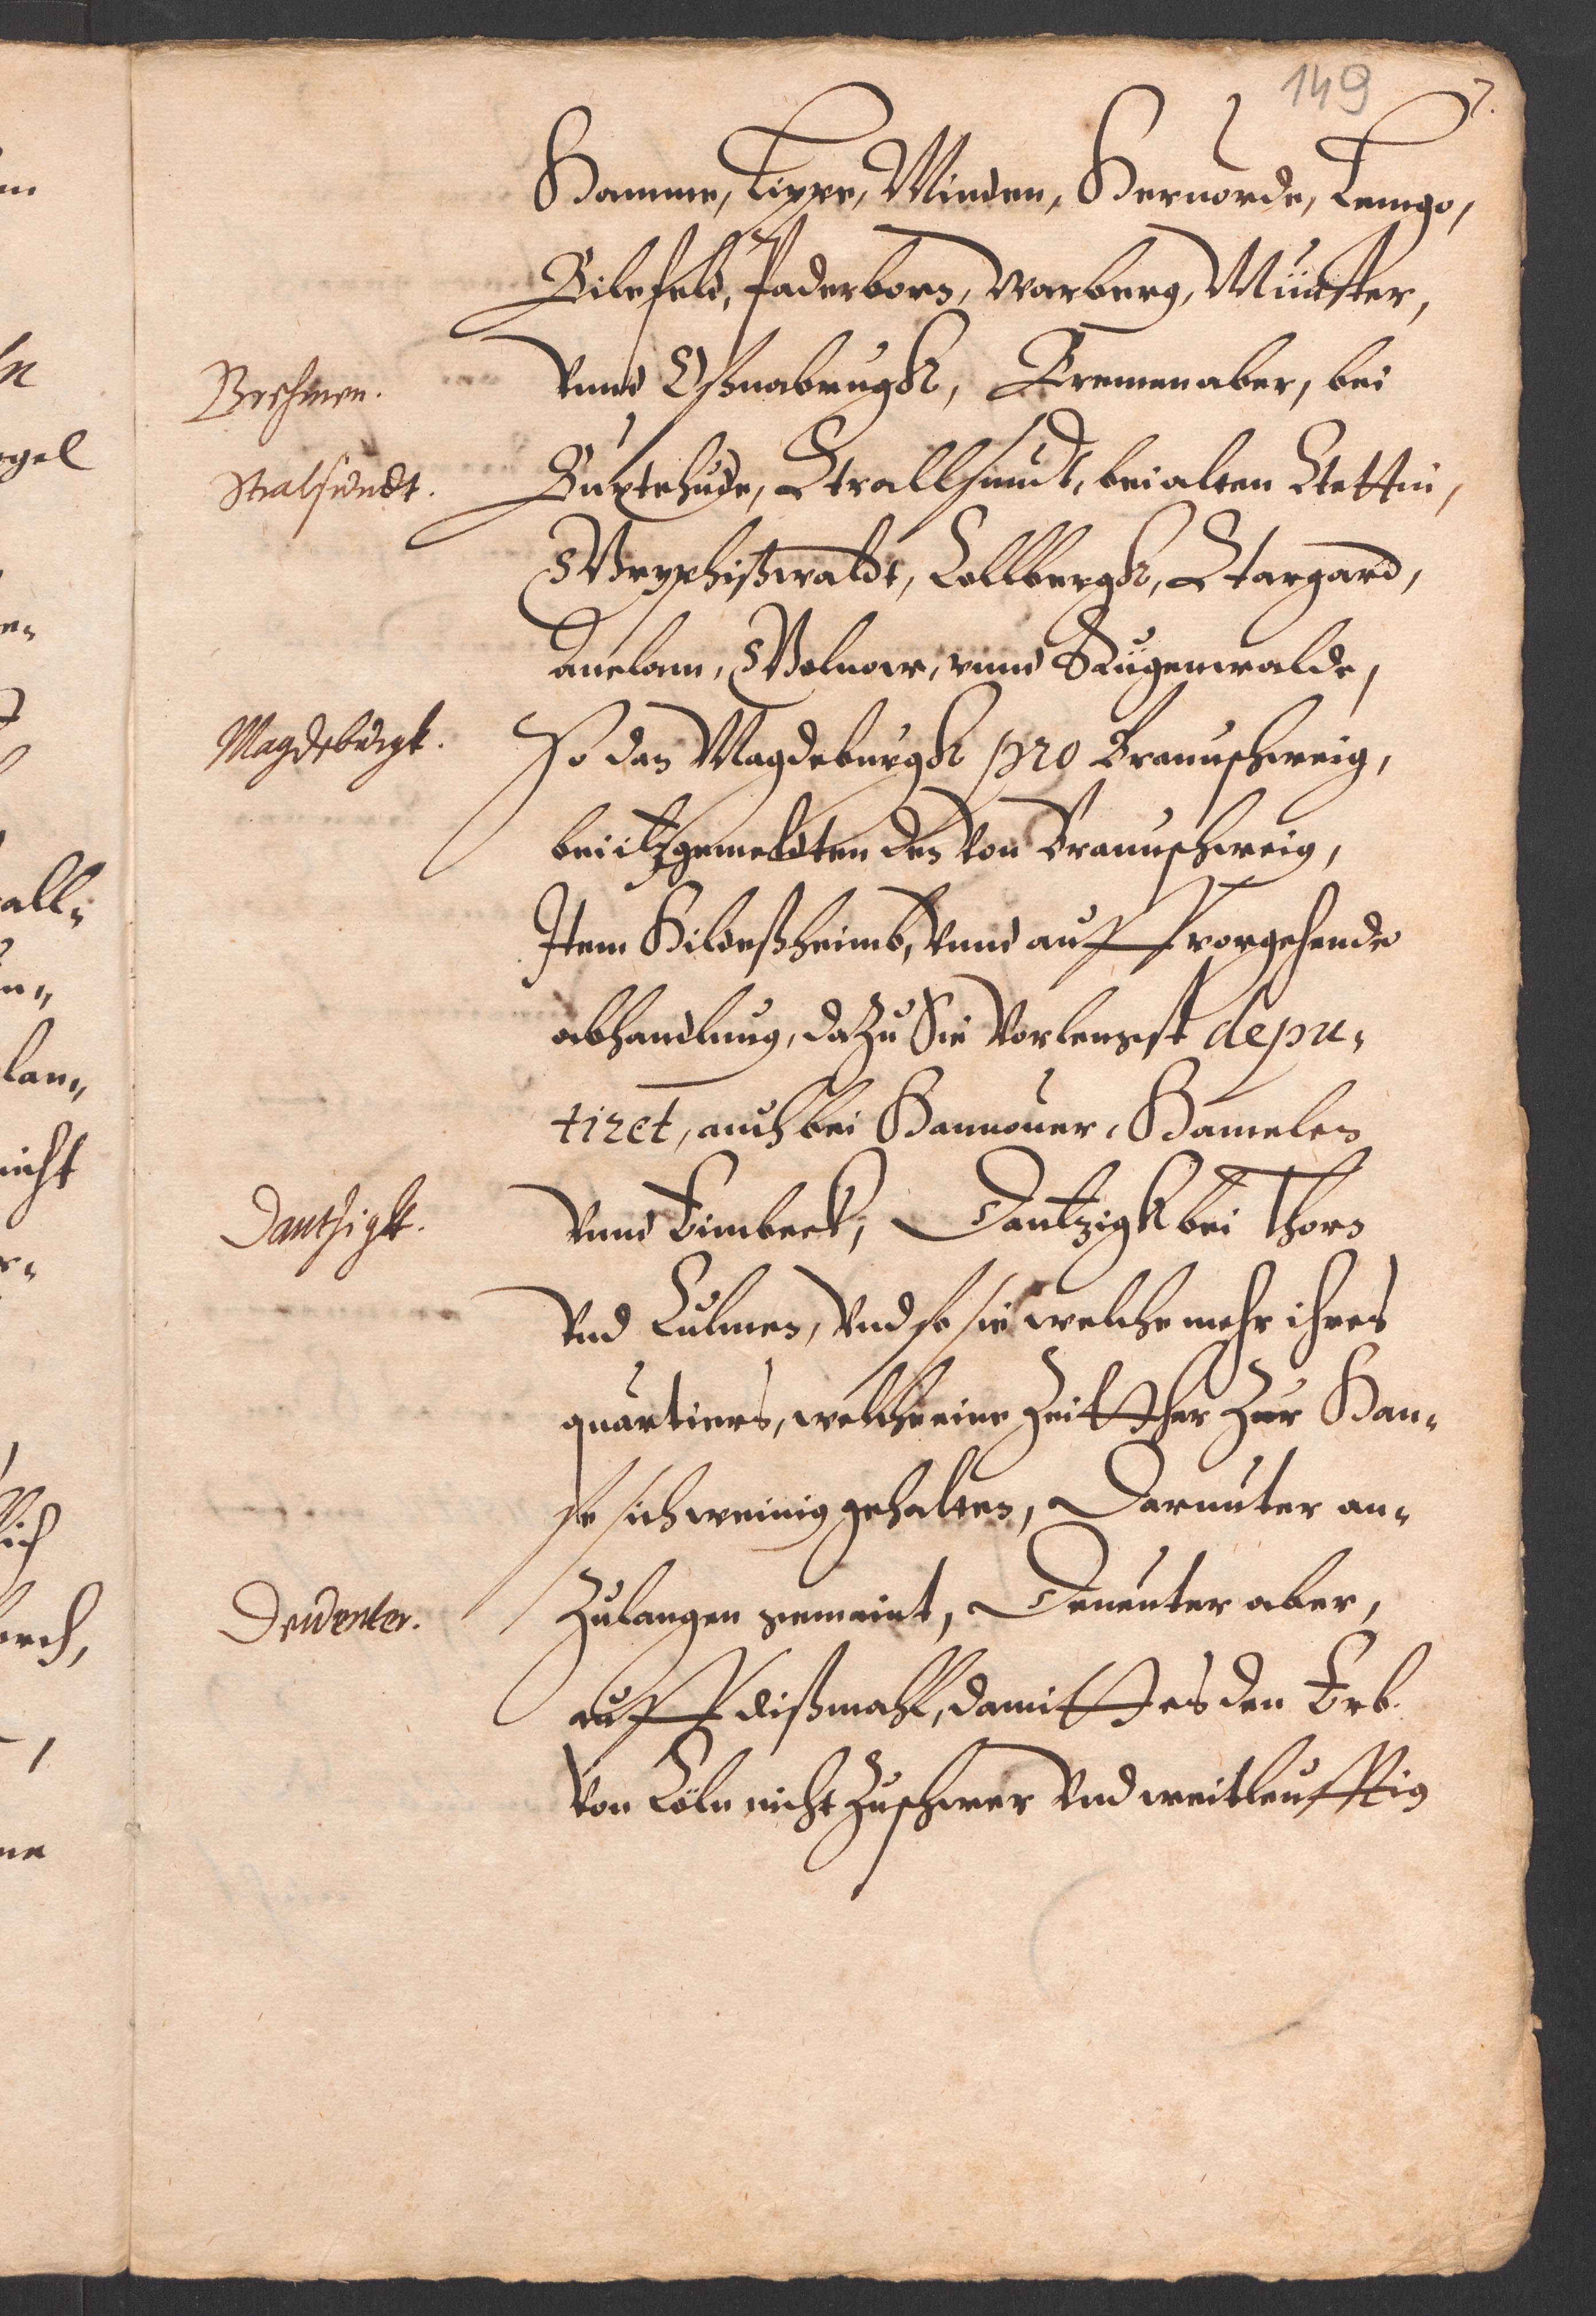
7.
Hamme, Lippe, Minden, Heruorde, Lemgo,
Bilefeld, Paderborn, Warburg, Münster,
vnnd Oßnabrugk, Bremen aber, bei
Buxtehude, Strallsundt, bei alten Stettin,
Greyphißwaldt, Collbergk, Stargard,
Anclam, Golnow, vnnd Rügenwalde,
So das Magdeburgk pro Braunschweig,
bei itzgemeldten den von Braunschweig,
Item Hildeßheimb, vnnd auff vorgehende
abhandlung, dazu Sie vorlengst depu¬
tiret, auch bei Hannouer, Hamelen
vnd Eimbeck, Dantzigk bei Thorn
vnd Culmen, vnd so sie welche mehr ihres
quartires, welche eine zeitther zur Han¬
se sich weinig gehalten, Darunter an¬
zulangen gemeint, Deuenter aber,
auff dißmahl, damitt es den Erb.
von Cöln nicht zuschwer vnd weitleuffig
Brehmen.
Stralsundt.
Magdeburgk.
Dantzigk.
Deuenter.
